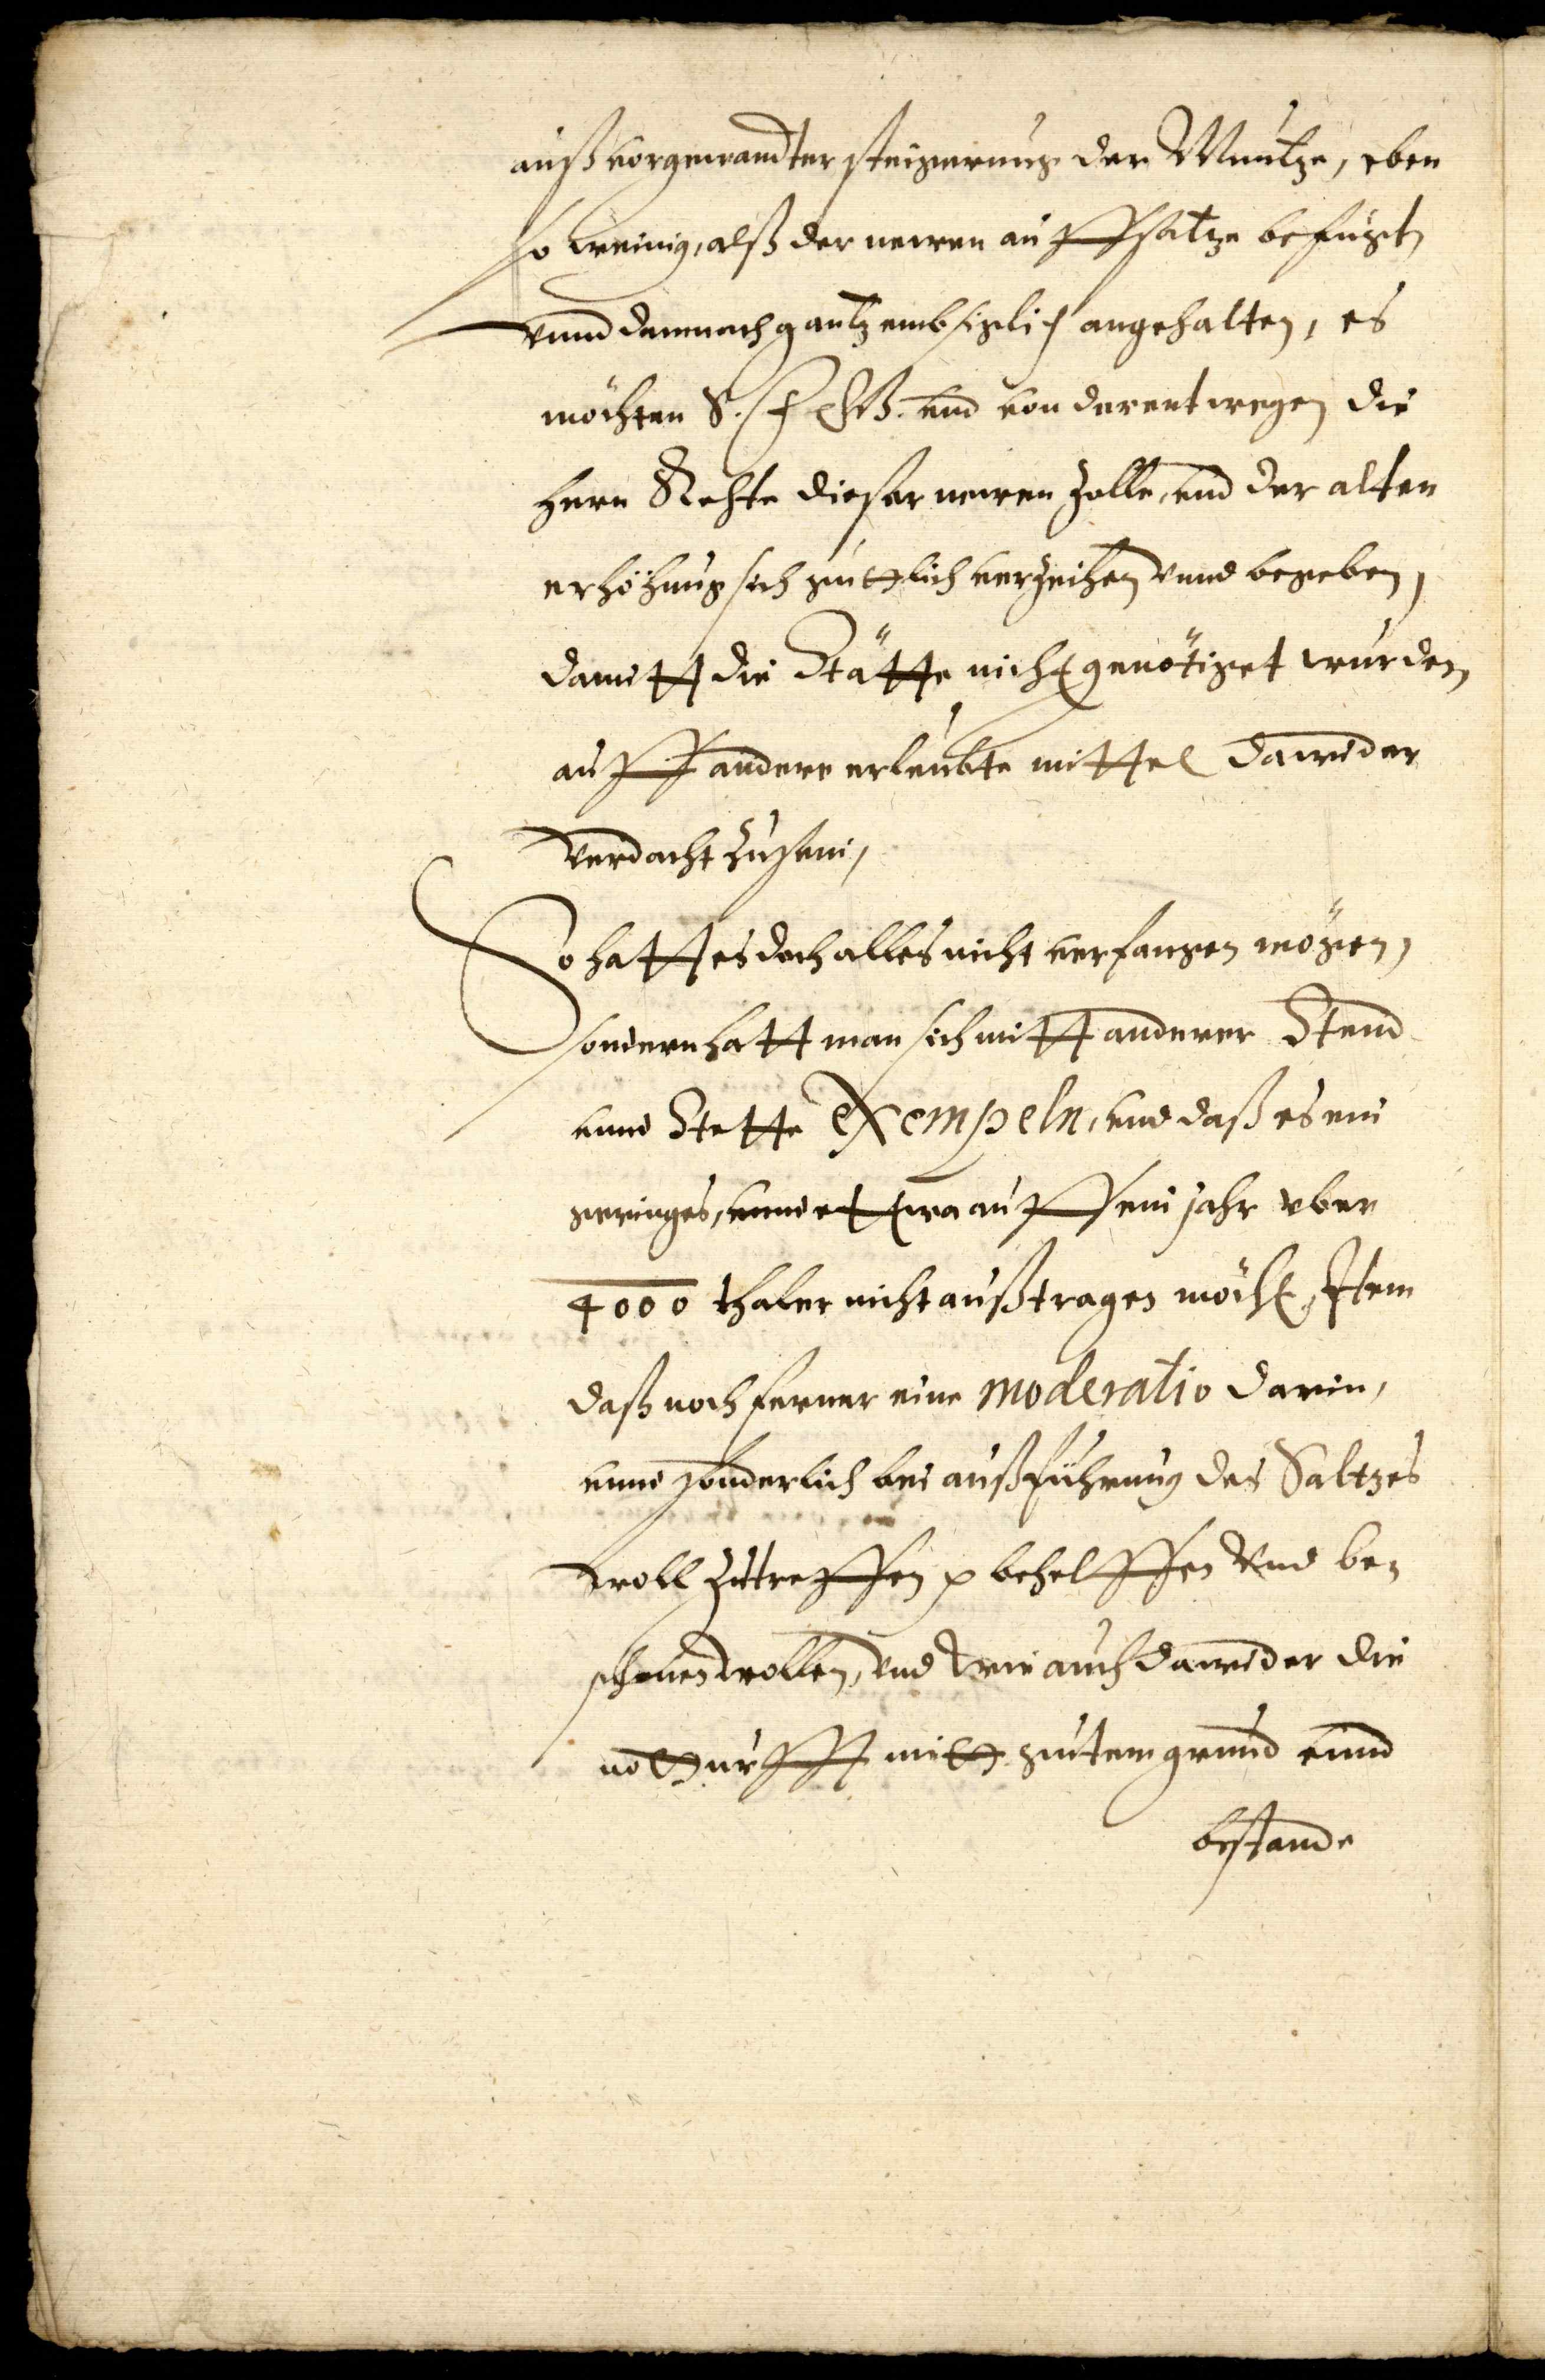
auß vorgenandter steigerung der Muntze, eben
so weinig, alß der newen auffsatze befugt
vnnd damnach gantz embsiglich angehalten, es
möchten S. F. G. vnd von derentwegen die
hern Rehte dieser newen Zolle, vnd der alten
erhöhung sich guttlich verzeihen vnnd begeben,
damitt die Stätt nicht genötiget wurden
auff andere erlaubte mittel dawider
verdacht zusein,
So hatt es doch alles nicht verfangen mögen,
sondern hatt man sich mitt anderer Stend
vnnd Stette exempeln, vnd daß es ein
geringes, vnnd ettwa auff ein jahr vber
4000 thaler nicht außtragen möcht, Item
daß noch ferner eine moderatio darin,
vnnd sonderlich bei außführung des Saltzes
woll zutreffen p behelffen vnd be¬
schonen wollen, vnd wie auch dawider die
notturfft mitt gutem grund vnnd
bestande
